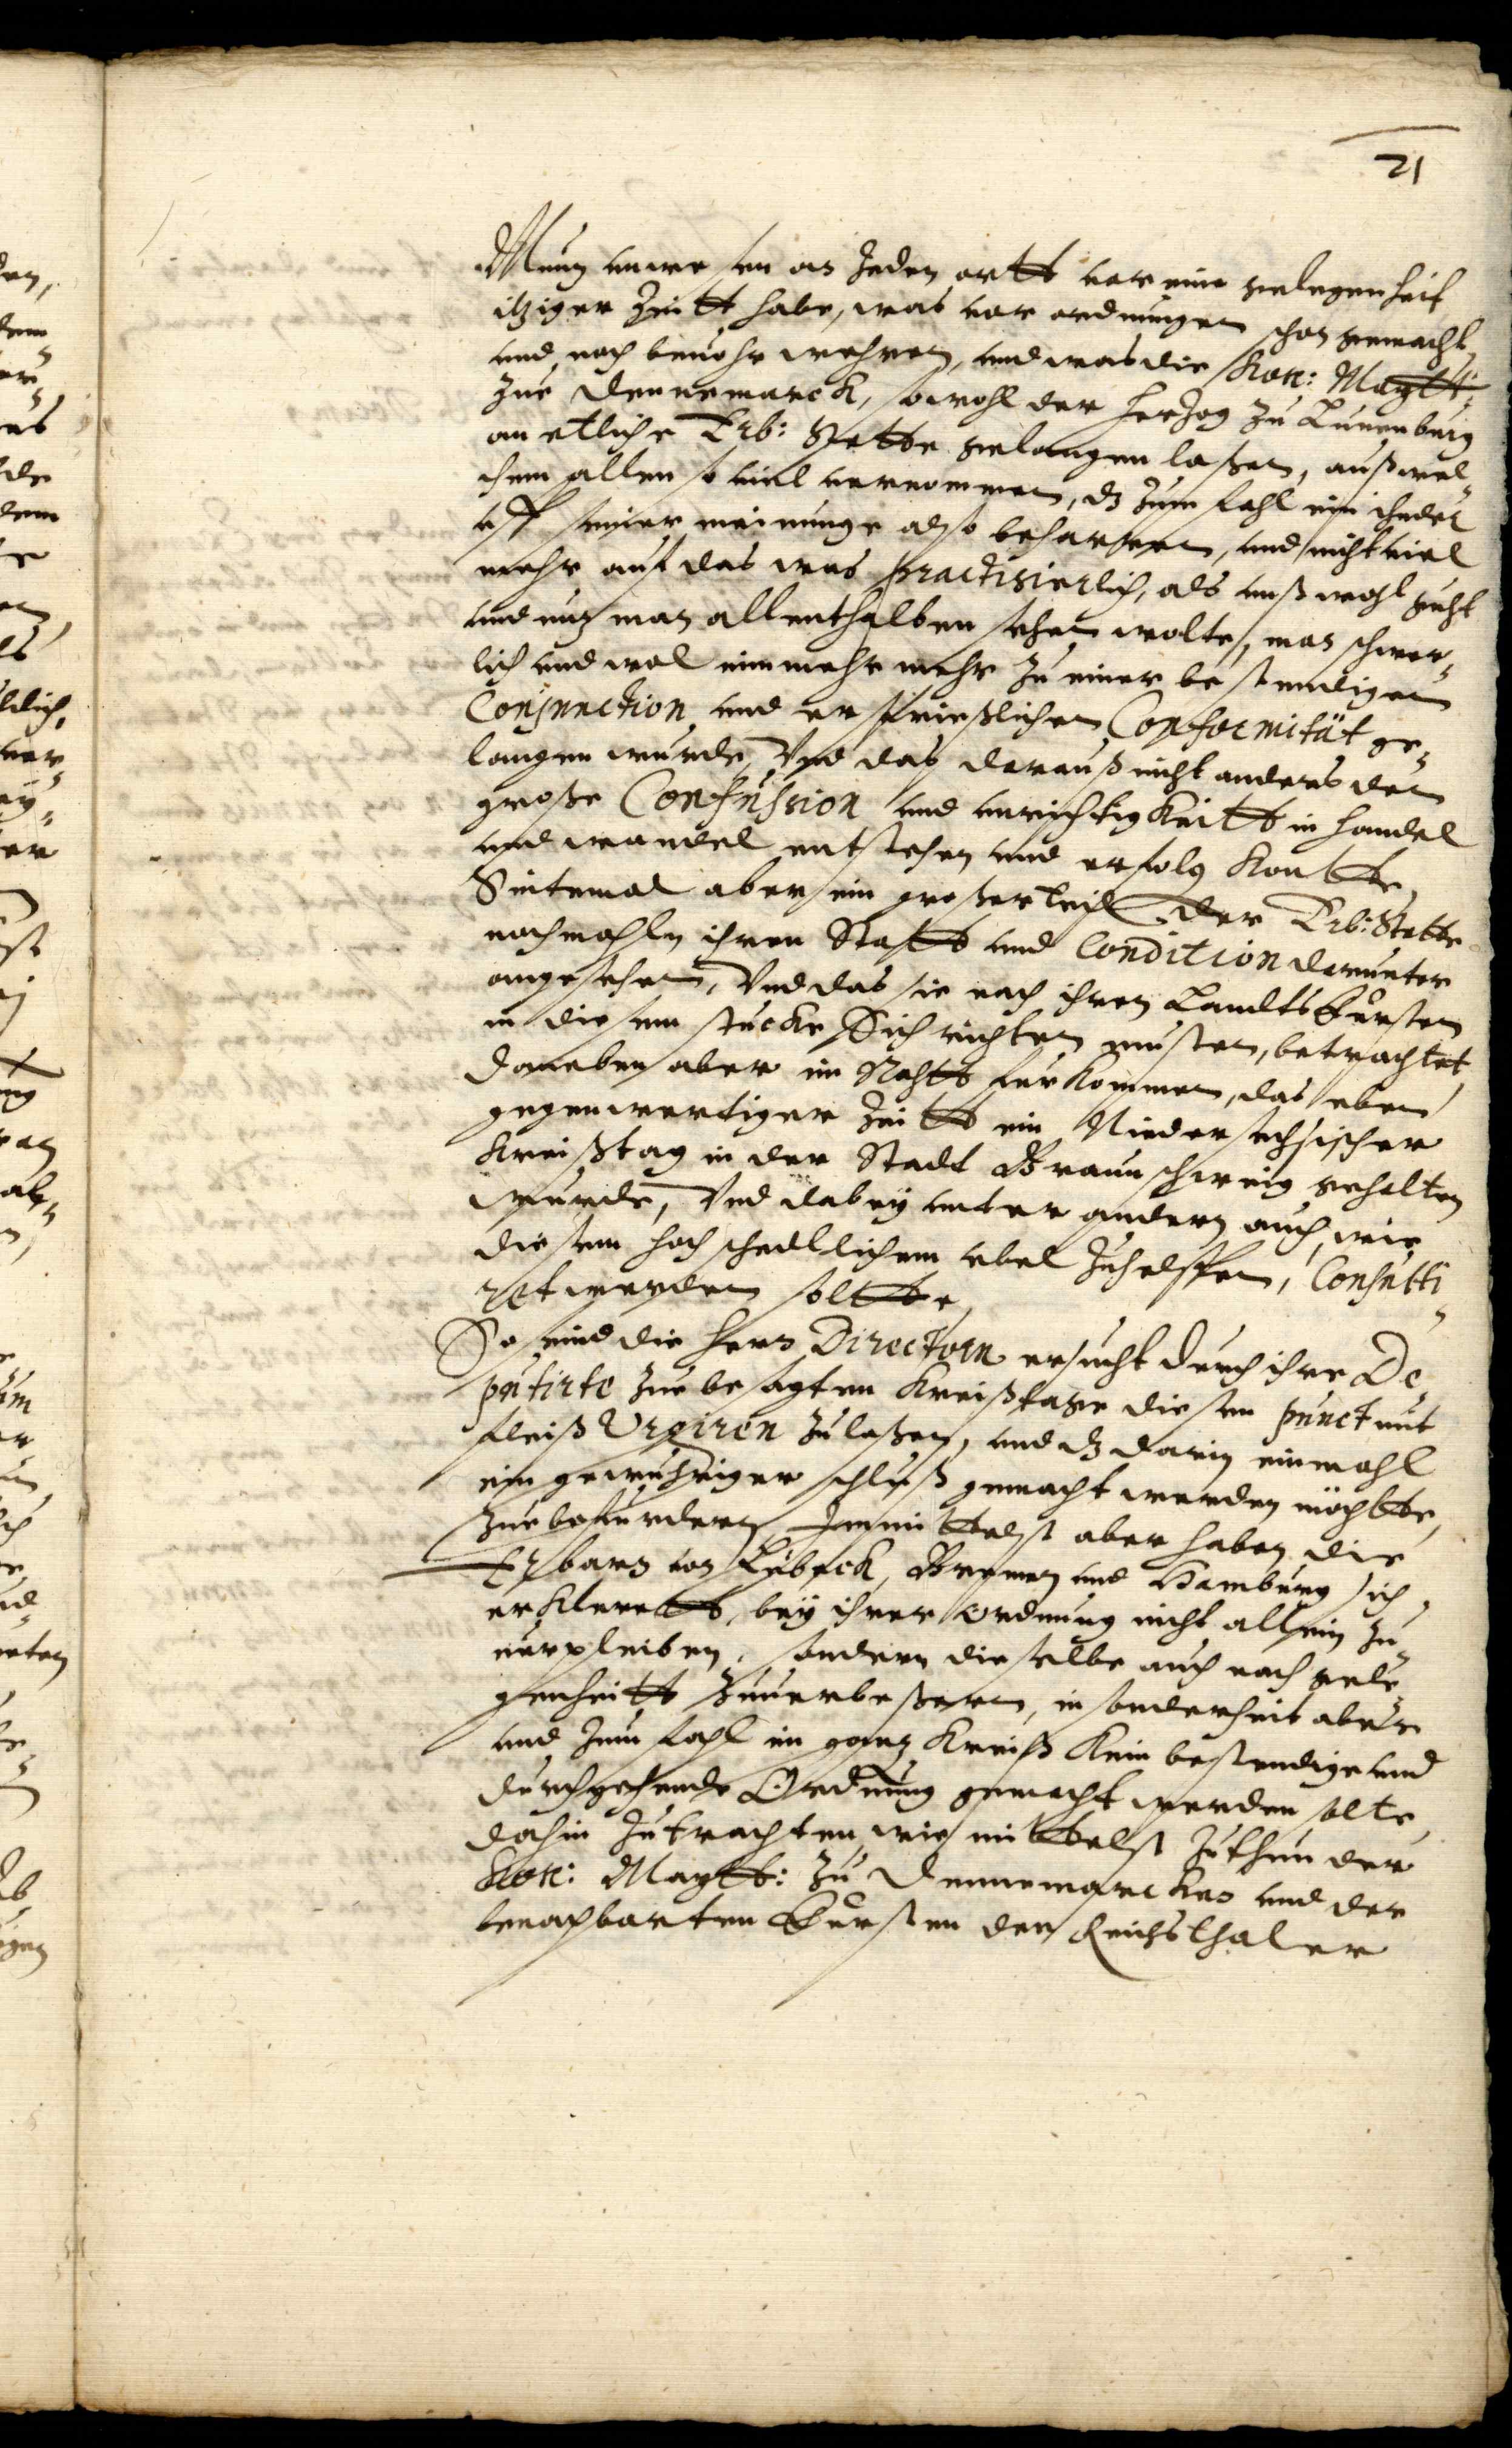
21
Munz vnwesen an Jeden ortt vor eine gelegenheit
itziger Zeitt habe, was vor ordnungen schon gemacht,
vnd noch beuohr wehren, vnd was die kon: Maytt:,
Zue dennemarck, sowohl der herZog Zu Lunenburg
an etlicher Erb: Stette gelangen laßen, auß wel¬
chem allen so viel vernommen, dz Zum fahl ein iheder
vff seiner meinunge also beharren, vnd nicht viel
mehr auf das was practisierlich, als vnß wohl guht
vnd nuz man allenthalben sehen wolte, man schwer¬
lich vnd wohl nimmehr mehr Zu einer bestendigen
Conjunction vnd ersprießlichen Conformität ge¬
langen wurde, Vnd das darauß nicht anders den
große Confusion vnd vnrichtigkeitt in handel
vnd wandel entstehen vnd erfolgen kontte,
Sintemalen aber ein großer teil der Erb: Stette
nachmalen ihren Statt vnd Condition Darunter
angesehen, Vnd das sie nach ihren Landtsfursten
in diesem stucke Sich richten mußten betrachtet
danbeben aber im Rahtt furkommen, das eben
gegenwertiger Zeitt ein Niedersechsischer
kreißtag in der Stadt Braunschweig gehalten
wurde, Vnd dabeij vnter andern auch, wie
diesem hochschedlichem vebel Zuhelpfen, Consulti¬
ret werden soltte,
So sind die hern Directorn ersucht Durch ihre De¬
putirte Zue besagtem kreißtage diesen punct mit
fleiß Urgiren Zulaßen, vnd dz darin einmahl
ein gewuhriger schluß gemacht werden möchtte,
Zue befurdern Immittelß aber haben die
Erbarn von Lubeck, Bremen vnd Hamburg sich,
erklerett, beij ihrer Ordnung nicht allein Zu¬
uerpleiben, sondern dieselbe auch nach gele¬
genheitt zuuerbeßern, in sonderheit aber
vnd Zum fachl im ganzen kreis kein bestendige vnd
durchgehende Ordnung gemacht werden solte,
dahin Zutrachten wie mittels Zuthun der
kon: Maytt: Zu dennemarcken vnd der
benachbarten Fursten den Reichsthaler
